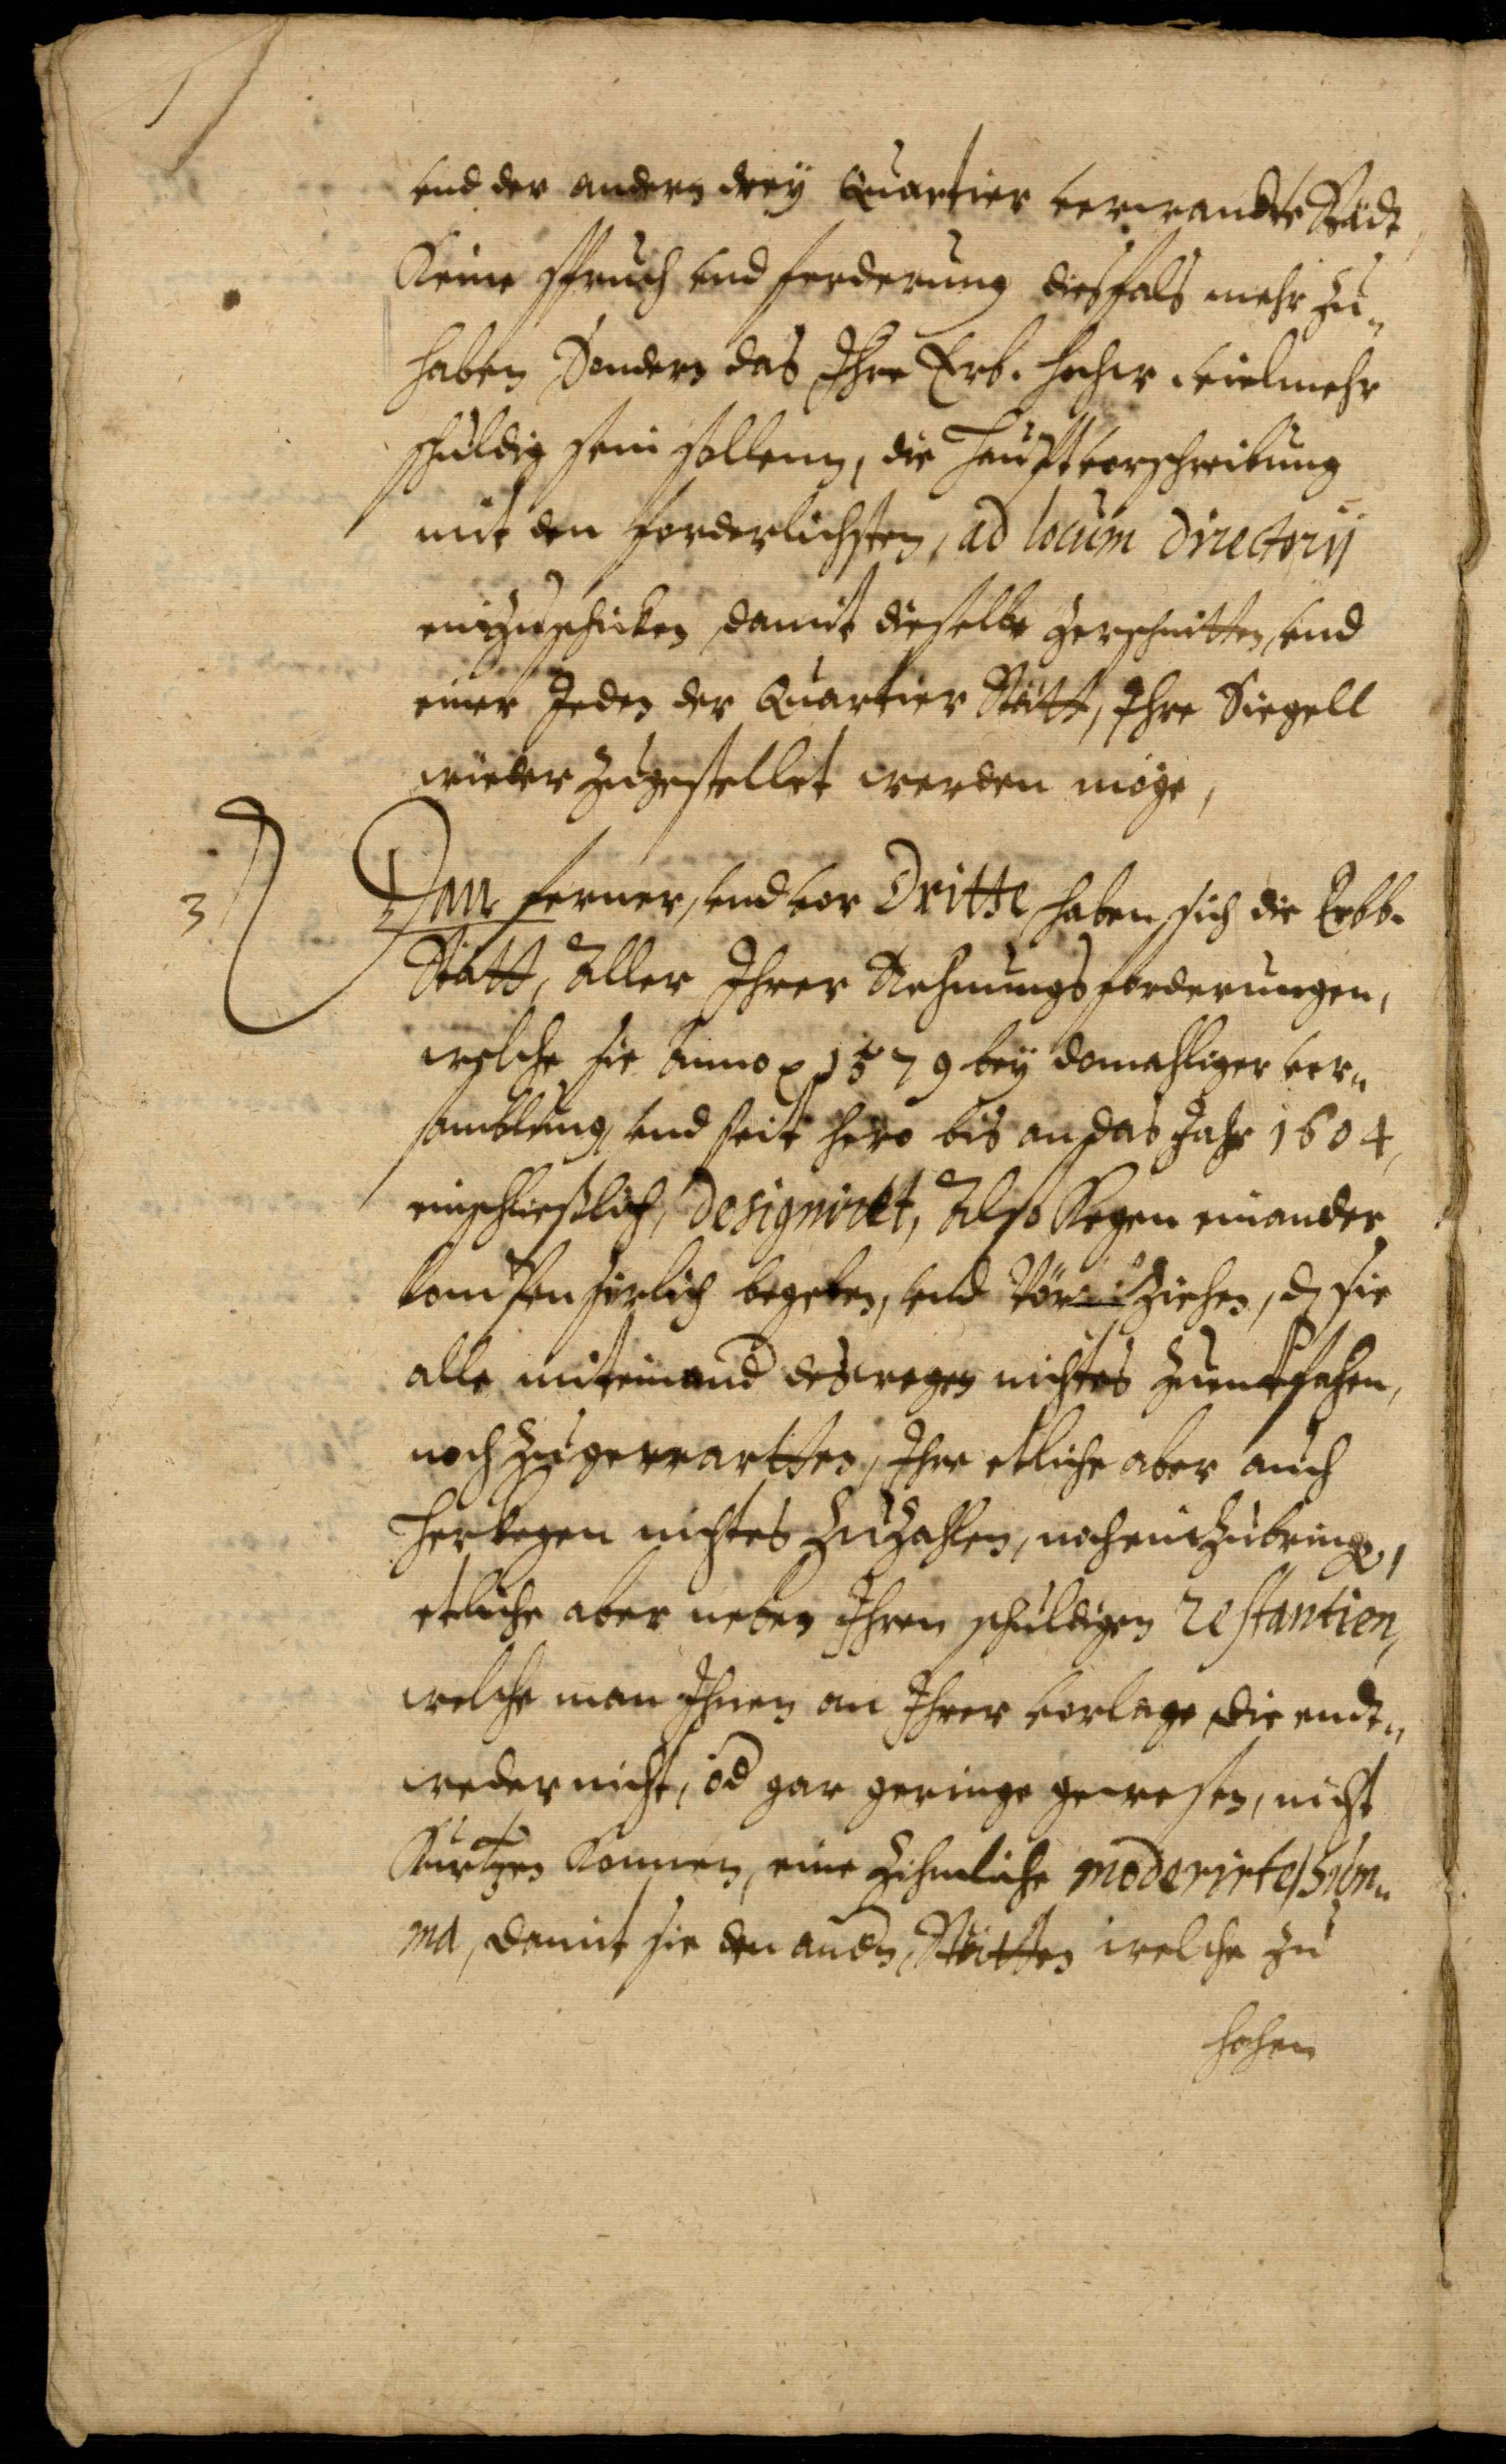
vnd der andern dreij Quartier verwandte Städt,
keine spruch vnd forderung diesfals zu¬
haben, Sondern das Ihre Erb. hochw. vielmehr
schuldig sein sollenn, die Hauptvorschreibung
mit den forderlichsten, ad locum directorii
einzuschicken, damit dieselbe zerschnitten vnd
einer jeden der Quartier Stätt, ihre siegell
wieder zugestellet werden möge,
Dan ferner, vnd vor Dritte haben sich die Erbb.
Stätt, aller Ihrer Rechnungs forderungen,
welche sie Anno p 1579 beij damahliger ver¬
samblung, vnd seit hero bis an das Iahr 1604,
einschließlich, designiret, alß kegen einander
kampfen fürlich begeben, vnd vör ziehen,die sie
alle miteinander deswegen nichtes zum fahen
noch zugewartten, Ihre etliche aber auch
herkegen nichtes zuzahlen, noch einzubringen,
etliche aber neben Ihren schuldigen restantien,
welche man Ihnen an Ihrer vorlage die endt¬
weder nicht, oder gar geringe gewesen, nicht
kurtzen konnen, eine zihmliche moderirte Sum¬
ma, damit sie den andern Stätten welche zu
hohen
3
